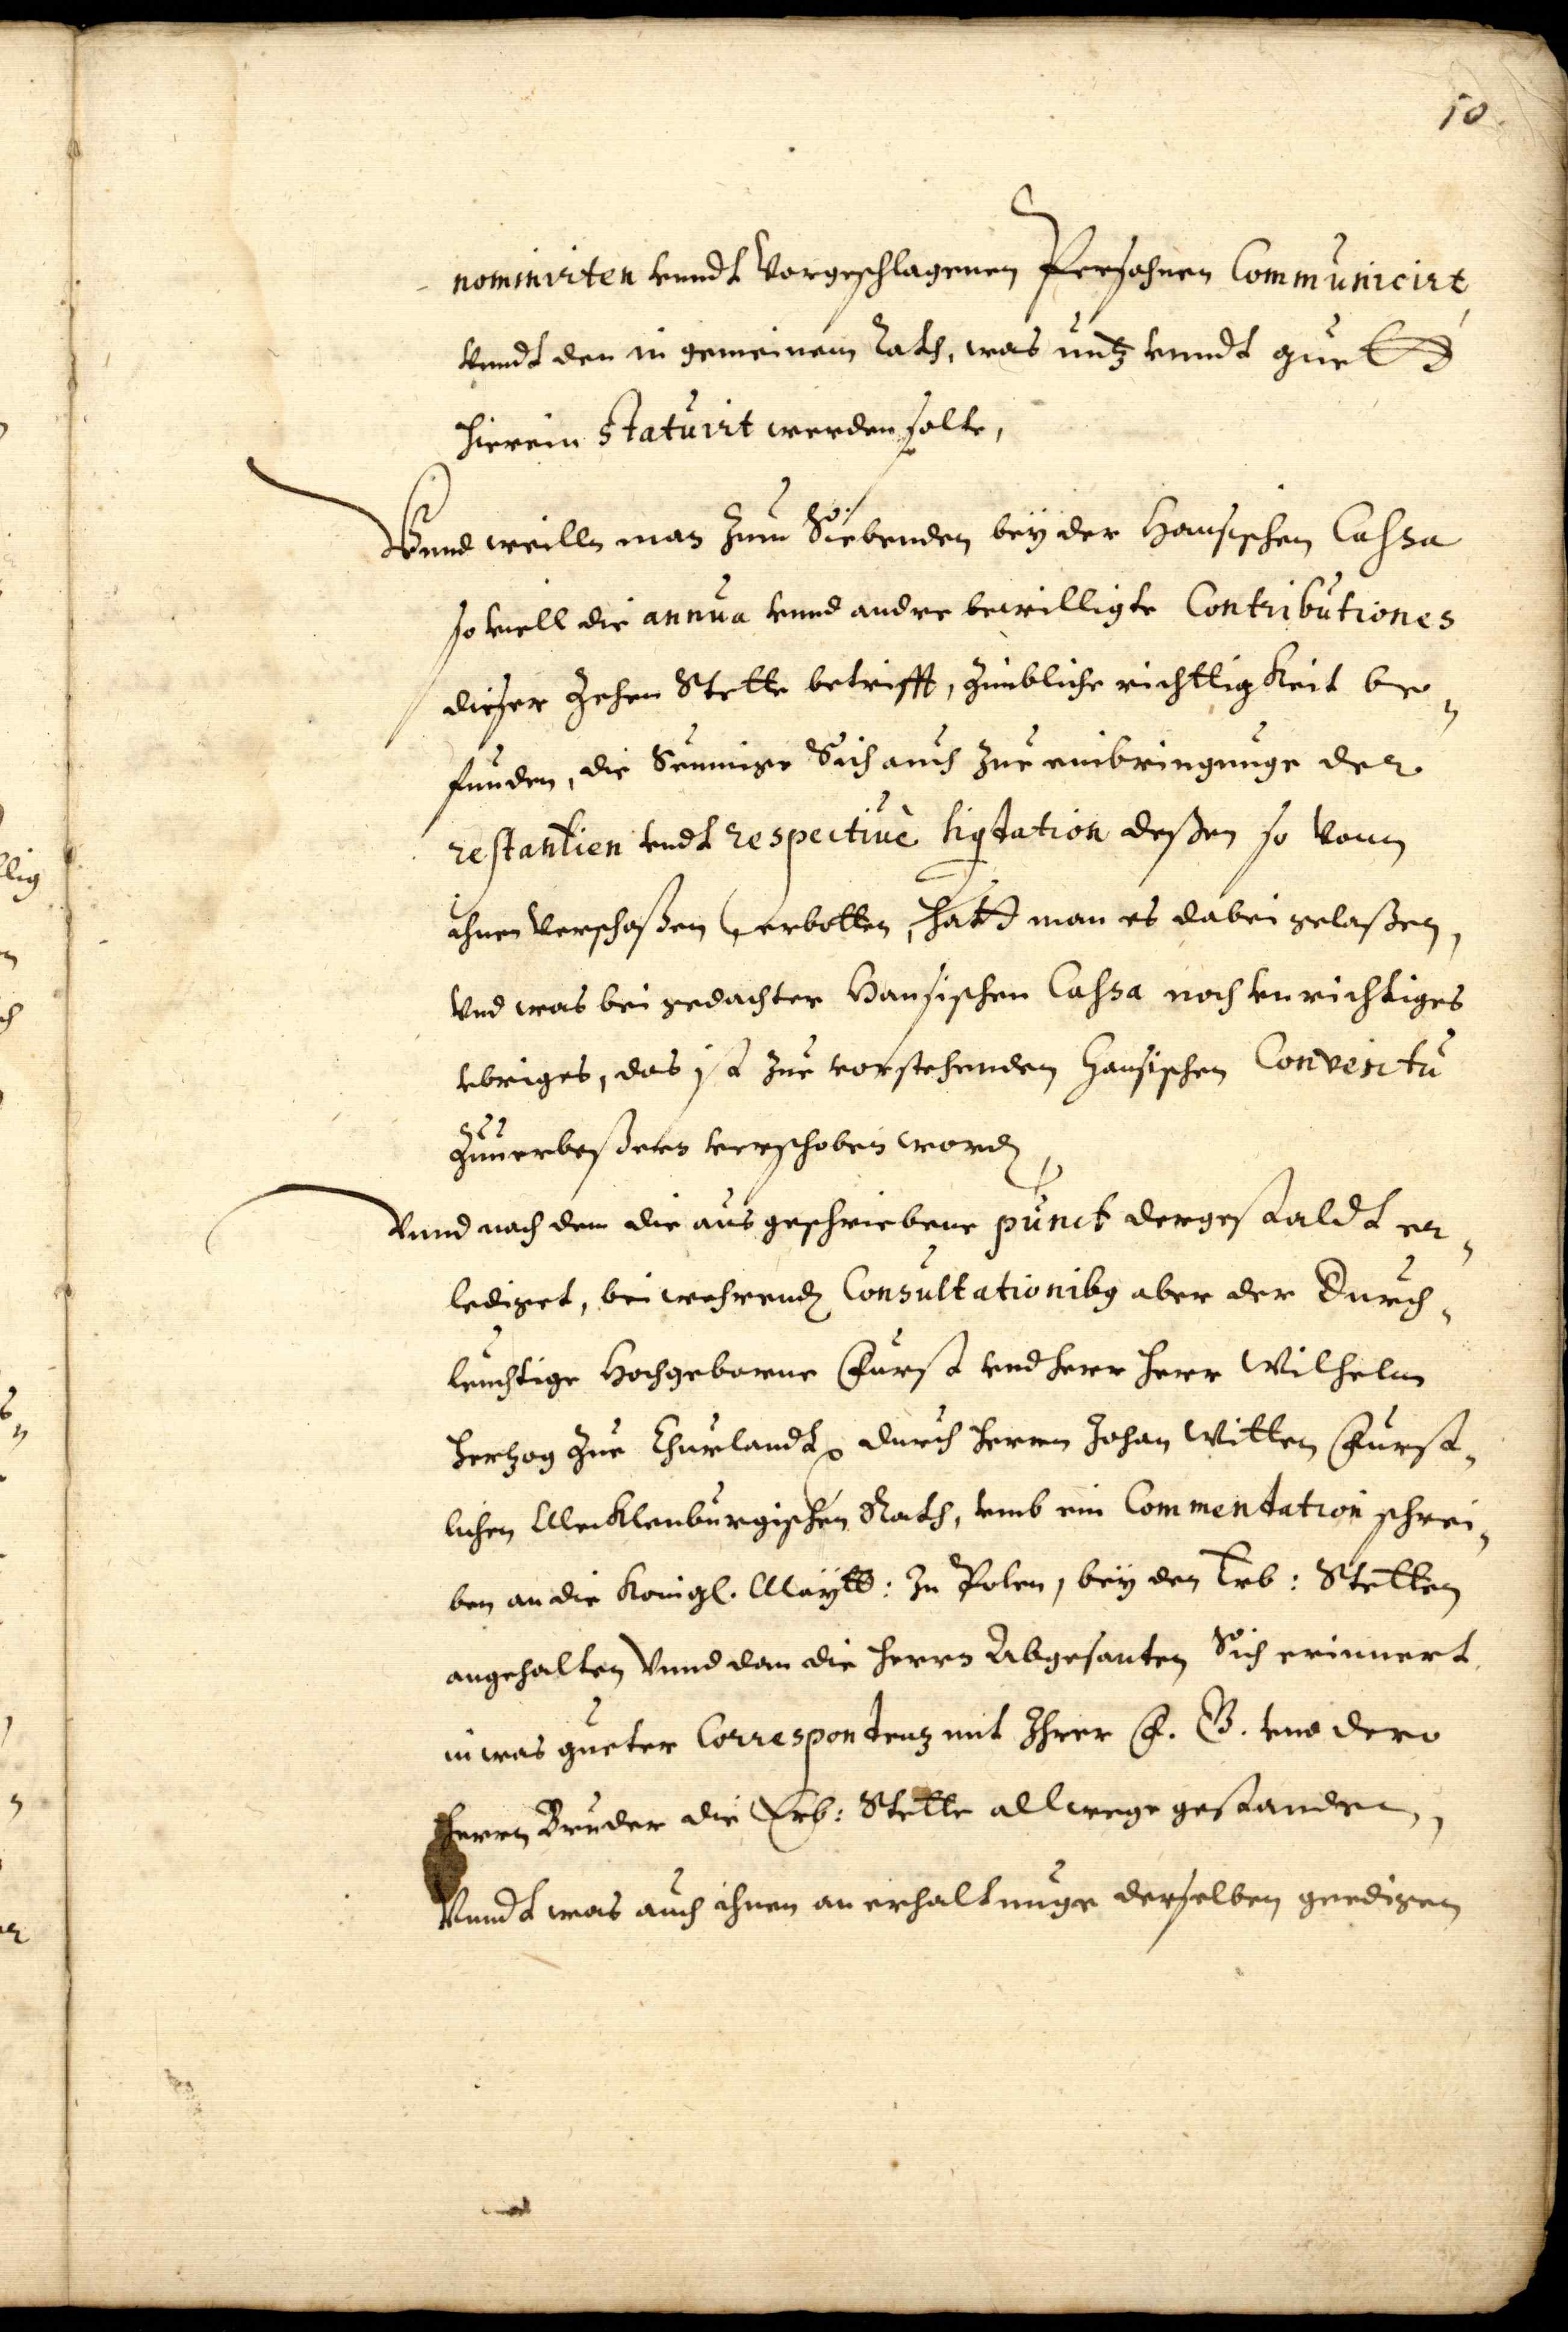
10.
nominirten vnndt vorgeschlagenen Persohnen Communicirt
vnndt den in gemeinem Rath, was untz vnndt guett
hierein statuirt werden solte,
Vnnd weilln man zum Siebenden beij der Hansischen Cassa
so viell die annua vnnd andre bewilligte Contributiones
diese Zehen Stette betrifft, zimbliche richttigkeit be¬
funden, die Seumige Sich auch zue einbringunge der
restantien vndt respectiue liqdation deßen so vonn
ihnen verschoßen, erbotten, hatt man es dabei gelaßen,
vnd was bei gedachter Hansischen Cassa noch vnrichtiges
vbriges, das ist zue vorstehenden Hansischen Conventu
zuuerbeßern verschoben worden,
Vnnd nach dem die aus geschriebene punct dergestaldt er¬
lediget, bei wehrenden Consultationibus aber der Durch¬
leuchtige Hochgeborne Furst vndtherr herr Wilhelm
hertzog zue Churlandt durch herrn Iohan Witten Furst¬
lichen Mecklenburgischen Rath, vmb ein Commendation schrei¬
ben an die konigl. Maijtt: Zu Polen, beij den Erb: Stetten
angehalten Vnnd dan die herrn Abgesanten Sich erinnert
in was gueter Correspondenz mit Ihrer F. G. vnd dero
herrn Bruder die Erb: Stette allerwege gestanden,
Vnndt was auch ihnen an erhaltunge derselben gnedigen
